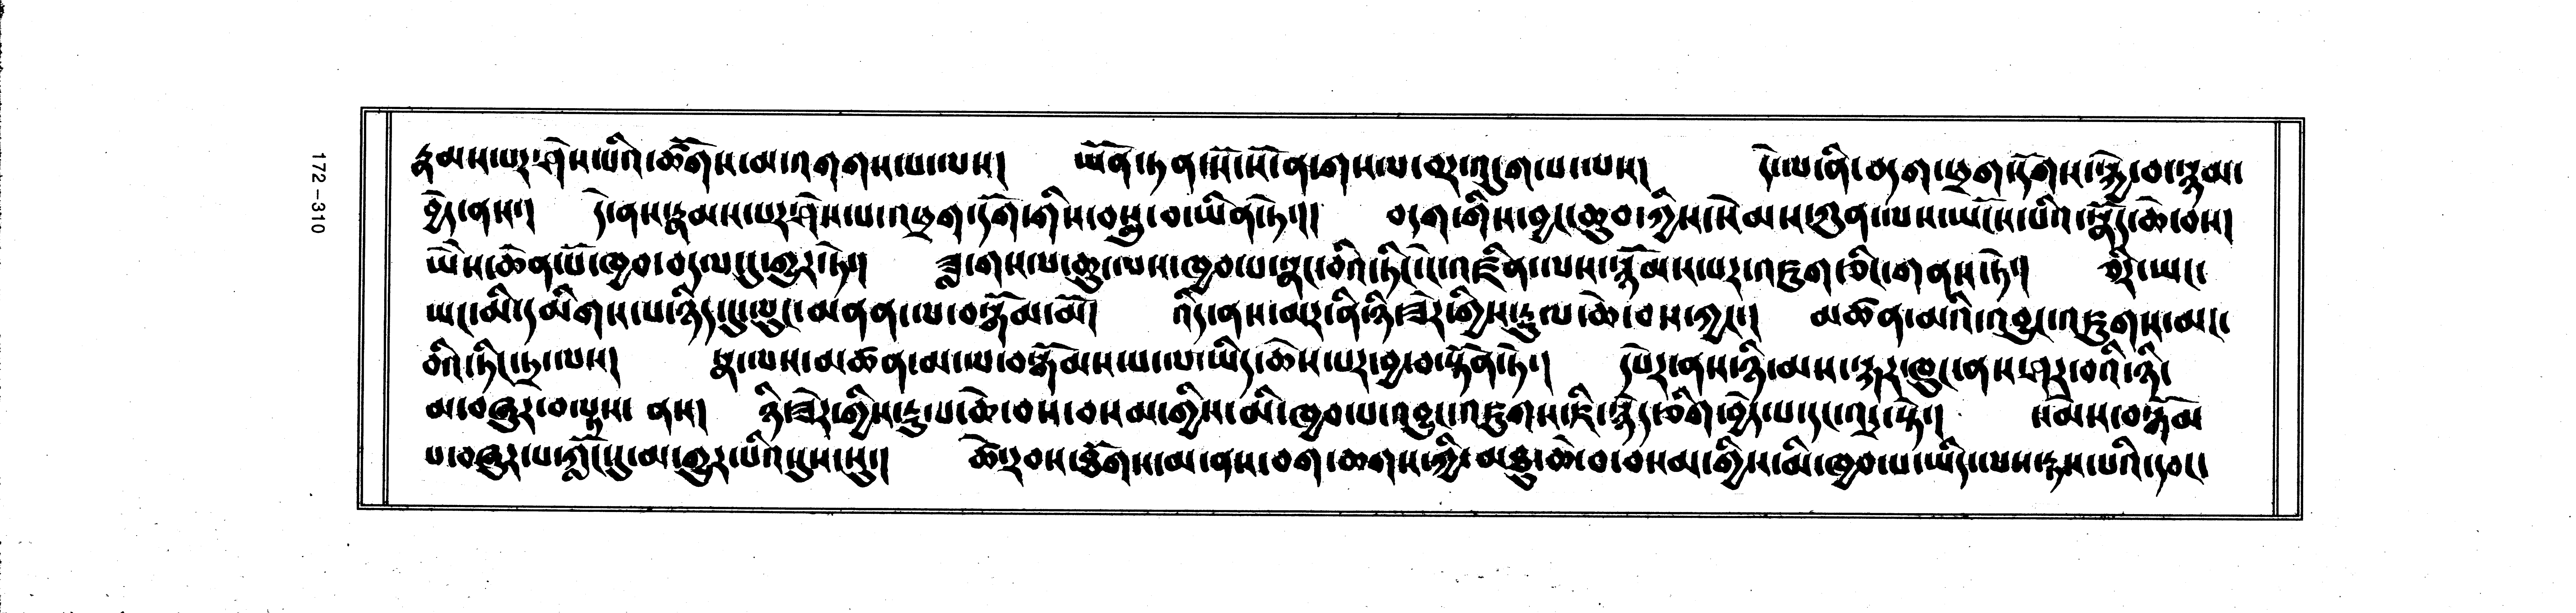རྣམ་པར་ཤེས་པའི་ཚོགས་མ་འགགས་པ་ལས། ཡོན་ཏན་སོ་སོ་ན་གསལ་བར་འདུག་པ་ལས། དེ་ལ་ནི་བདག་ཕྲག་དོགས་སྐྱེ་བ་སྙམ་
བྱེད་ནས། དེ་ནས་རྣམ་པར་ཤེས་པ་ཕྲག་དོག་གིས་བསླུ་བ་ཡིན་ཏེ། བདག་གིས་བྱང་ཆུབ་ཀྱིས་སེམས་ཀུན་ལས་ཡོངས་པའི་སྣོད་ཆེ་བས། 
ཡེ་ཤེས་ཆེན་པོ་ཁྱབ་བདལ་དུ་གྱུར་ཏེ། ཟླ་གསལ་ཆུ་ལས་ཁྱབ་པ་སྣང་བའི་ཏིང་ངེ་འཛིན་ལས་སྙོམས་པར་འཇུག་ཅིང་གནས་ཏེ། ཅིར་ཡང་
ཡང་མི་དམིགས་པ་ཉིད་དུ་ལུང་མནན་ལ་བསྒོམ་མོ། འདི་ནས་མར་ནི་ཉི་ཟེར་གྱིས་རྡུལ་ཆེ་བས་ཀྱང་། མཚན་མའི་འབྱུང་འཇུགས་མང་
བའི་ཏན་ཏྲ་ལས། སྣ་ལས་མཚན་མ་ལ་བསྒོམས་པ་ལ་ཡིད་ཆེས་པར་བྱ་བ་སྟོན་ཏེ། དཔེར་ནས་ཉི་མས་སྐར་ཁུང་ནས་ཤར་བའི་ཉི་
མ་བཞུར་བལྟས་ནས། ཉི་ཟེར་གྱིས་རྡུལ་ཆེ་བ་བསམ་གྱིས་མི་ཁྱབ་པ་འབྱུང་འཇུགས་ཇི་སྙེད་ཅིག་བྱེད་པ་དང་འདྲ་སྟེ། སེམས་བསྒོམ་
པ་བཞུར་པ་ཀློང་དུ་མ་གྱུར་པའི་དུས་སུ། ཚེ་རབས་ཐོགས་མ་ནས་བག་ཆགས་ཀྱི་མཐུ་ཆེ་བ་བསམ་གྱིས་མི་ཁྱབ་པ་ཡིད་ལས་རྟས་པའི་དབང་